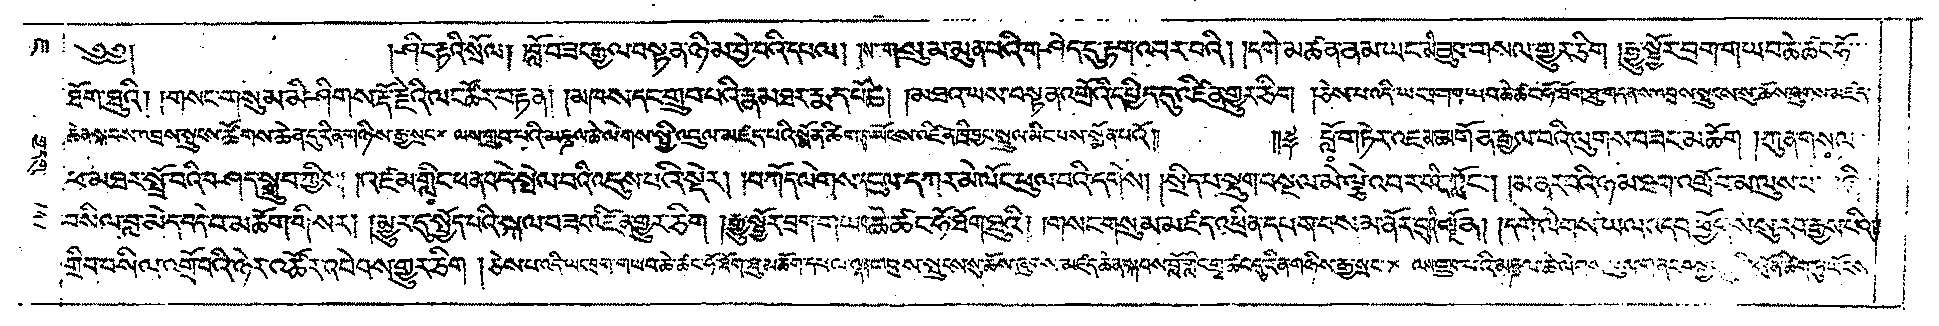༄༅། །ཤིང་རྟའི་སྲོལ། །བློ་བཟང་རྒྱལ་བསྟན་ཉི་མ་བྱེ་བའི་དཔལ། །ས་གསུམ་མུན་པའི་གཤེད་དུ་རྟག་འབར་བའི། །དགེ་མཚན་ནམ་ཡང་མི་ནུབ་གསལ་གྱུར་ཅིག །རྒྱུ་སྦྱོར་བྲག་གཡབ་ཆེ་ཚང་ཧོ་
ཐོག་ཐུའི། །གསང་གསུམ་མི་ཤིགས་རྡོ་རྗེའི་ལང་ཚོར་བརྟན། །མཁས་དང་གྲུབ་པའི་རྣམ་ཐར་རྨད་པོ་ཆེ། །མཐའ་ཡས་བསྟན་འགྲོའི་དཔྱིད་དུ་འཛིན་གྱུར་ཅིག །ཅེས་པ་འདི་ཡང་བྲག་གཡབ་ཆེ་ཚང་ཧོ་ཐོག་ཐུ་གདན་ས་འབྲས་སྤུངས་སུ་ཆོས་ཞུགས་མཛད་
ཆེན་སྐབས་འབྲས་སྤུངས་ཚོགས་ཆེན་དུ་རིན་གཉིས་རྒྱ་སྲང་྾་ལས་གྲུབ་པའི་མཎྜལ་ཆེ་ལེགས་སྤྱི་འབུལ་མཛད་པའི་སྨོན་ཚིག་ཏུ་ཡོངས་འཛིན་ཁྲི་བྱང་སྤྲུལ་མིང་པས་སྨོན་པའོ།། །།༈ བློ྾་གཏེར་འཇམ་མགོན་རྒྱལ་བའི་ལུགས་བཟང་མཆོག །ཀུན་གསལ྾་
ཕ་མཐར་སྤྲོ་བའི་བཤད་སྒྲུབ་ཀྱིས། །འཛམ་གླིང྾་ཕན་བདེ་སྤེལ་བའི་འདུས་པའི་སྡེར། །བཀོད་ལེགས་དངུལ་དཀར་མེ་ལོང་ཕུལ་བའི་དགེས། །སྲིད་པ་སྡུག་བསྔལ་མེ་ལྕེ་འབར་བའི་ཀློང་། །མནར་བའི་ཉམ་ཐག་འགྲོ་བ་མ་ལུས་པ། །ཞི་
བསིལ་བླ་མེད་བདེ་བ་མཆོག་གི་སར། །མྱུར་དུ་སྤྱོད་པའི་སྐལ་བཟང་འཛིན་གྱུར་ཅིག །རྒྱུ་སྦྱོར་བྲག་གཡབ་ཆེ་ཚང་ཧོ་ཐོག་ཐུའི། །གསང་གསུམ་མཛད་འཕྲིན་དཔག་བསམ་ནོར་བུའི་ལྗོན། །དགེ་ལེགས་ཡལ་འདབ་ཕྱོགས་སུ་རབ་རྒྱས་པའི། །
གྲིབ་བསིལ་འགྲོ་བའི་ཉེར་འཚོར་འབེབས་གྱུར་ཅིག །ཅེས་པ་འདི་ཡང་བྲག་གཡབ་ཆེ་ཚང་ཧོ་ཐོག་ཐུ་མཆོག་དཔལ་ལྡན་འབྲས་སྤུངས་སུ་ཆོས་ཞུགས་མཛད་ཆེན་སྐབས་བློ་གླིང་གྲྭ་ཚང་དུ་རིན་གཉིས་རྒྱ་སྲང་྾་ལས་གྲུབ་པའི་མཎྜལ་ཆེ་ལེགས་ཕུལ་གནང་བསྐྱང་རྒྱུའི་སྨོན་ཚིག་ཏུ་ཡོངས་